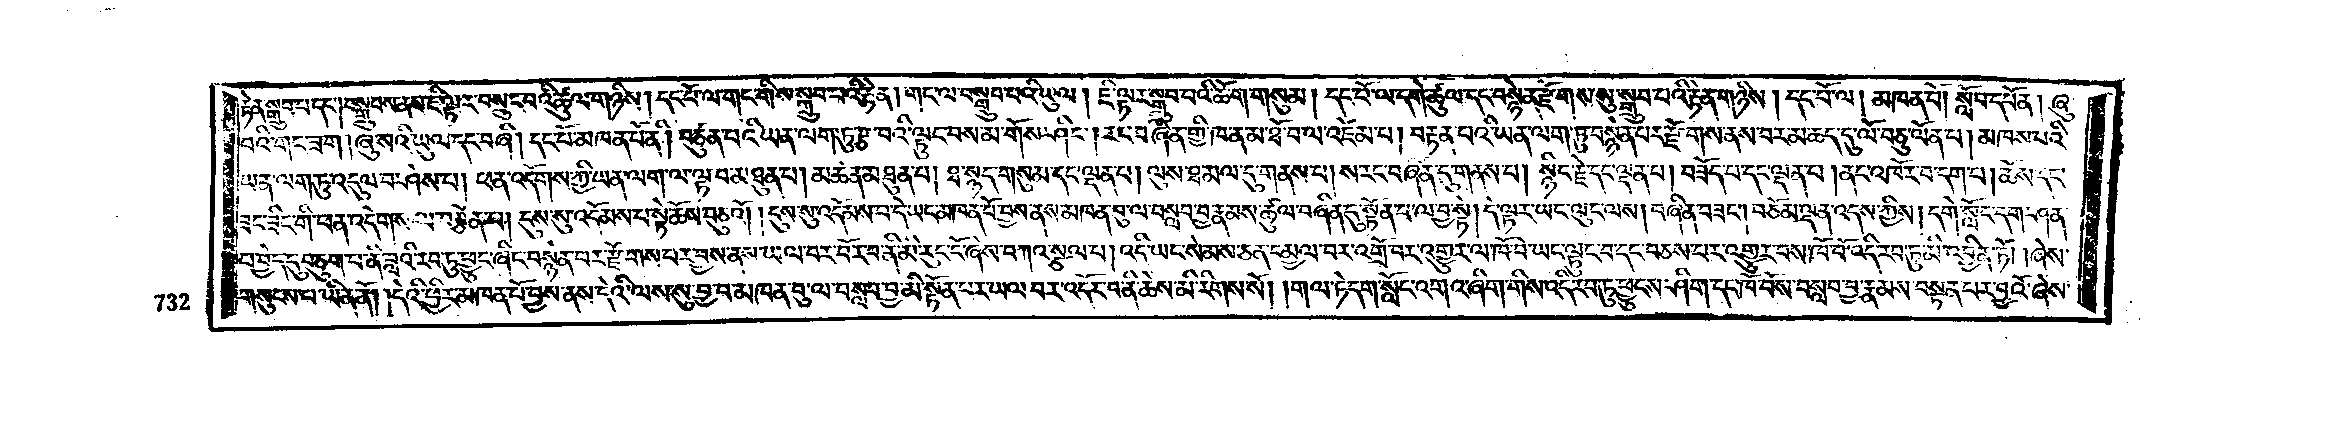རྟེན་སྒྲུབ་པ་དང་། བསྒྲུབས་ནས་ཇི་ལྟར་བསྲུང་བའི་ཚུལ་གཉིས། དང་པོ་ལ་གང་གིས་སྒྲུབ་པའི་རྟེན། གང་ལ་བསྒྲུབ་པའི་ཡུལ། ཇི་ལྟར་སྒྲུབ་པའི་ཆོ་ག་གསུམ། དང་པོ་ལ་དགེ་ཚུལ་དང་བསྙེན་རྫོགས་སུ་སྒྲུབ་པའི་རྟེན་གཉིས། དང་པོ་ལ། མཁན་པོ། སློབ་དཔོན། ཞུ་
བའི་གང་ཟག །ཞུ་སའི་ཡུལ་དང་བཞི། དང་པོ་མཁན་པོ་ནི། བཙུན་པའི་ཡན་ལག་ཏུ་རྩ་བའི་ལྟུང་བས་མ་གོས་ཤིང་། རང་བཞིན་གྱི་ཁ་ན་མ་ཐོ་བ་ལ་འཛེམ་པ། བརྟན་པའི་ཡན་ལག་ཏུ་བསྙེན་པར་རྫོགས་ནས་བར་མ་ཆད་དུ་ལོ་བཅུ་ལོན་པ། མཁས་པའི་
ཡན་ལག་ཏུ་འདུལ་བ་ཤེས་པ། ཕན་འདོགས་ཀྱི་ཡན་ལག་ལ་ལྟ་བ་མཐུན་པ། མཚན་མཐུན་པ། ཐ་སྙད་གསུམ་དང་ལྡན་པ། ལུས་ཐ་མལ་དུ་གནས་པ། ས་རང་བཞིན་དུ་གནས་པ། སྙིང་རྗེ་དང་ལྡན་པ། བཟོད་པ་དང་ལྡན་པ། ནང་འཁོར་བ་དག་པ། ཆོས་དང་
ཟང་ཟིང་གི་ཕན་འདེགས་ལ་བརྩོན་པ། དུས་སུ་འདོམས་པ་སྟེ་ཆོས་བཅུའོ། །དུས་སུ་འདོམས་པ་དེ་ཡང་མཁན་པོ་བྱས་ནས་མཁན་བུ་ལ་བསླབ་བྱ་རྣམས་ཚུལ་བཞིན་དུ་སྟོན་པ་ལ་བྱ་སྟེ། དེ་ལྟར་ཡང་ལུང་ལས། བཞིན་བཟང་། བཅོམ་ལྡན་འདས་ཀྱིས། དགེ་སློང་དག་ཤན་
པ་བྱེད་དུ་བཅུག་པ་ནི་ཟླའི་རབ་ཏུ་ཕྱུང་ཞིང་བསྙེན་པར་རྫོགས་པར་བྱས་ནས་ཡལ་བར་བོར་བ་ནི་མི་རུང་ངོ་ཞེས་བཀའ་སྩལ་པ། འདི་ཡང་སེམས་ཅན་དམྱལ་བར་འགྲོ་བར་འགྱུར་ལ་ཁོ་བེ་ཡང་ལྟུང་བ་དང་བཅས་པར་འགྱུར་བས་ཁོ་བོ་འདི་རབ་ཏུ་མི་འབྱིན་ཏོ། །ཞེས་
གསུངས་པ་ཡིན་ནོ། །དེའི་ཕྱིར་མཁན་པོ་བྱས་ནས་དེའི་ལས་སུ་བྱ་བ་མཁན་བུ་ལ་བསླབ་བྱ་མི་སྟོན་པར་ཡལ་བར་འདོར་བ་ནི་ཆེས་མི་རིགས་སོ། །གལ་ཏེ་དག་སློང་འགའ་ཞིག་གིས་འདི་རབ་ཏུ་ཕྱུངས་ཤིག་དང་ཁོ་བོས་བསླབ་བྱ་རྣམས་བསྟན་པར་བྱའོ་ཞེས་